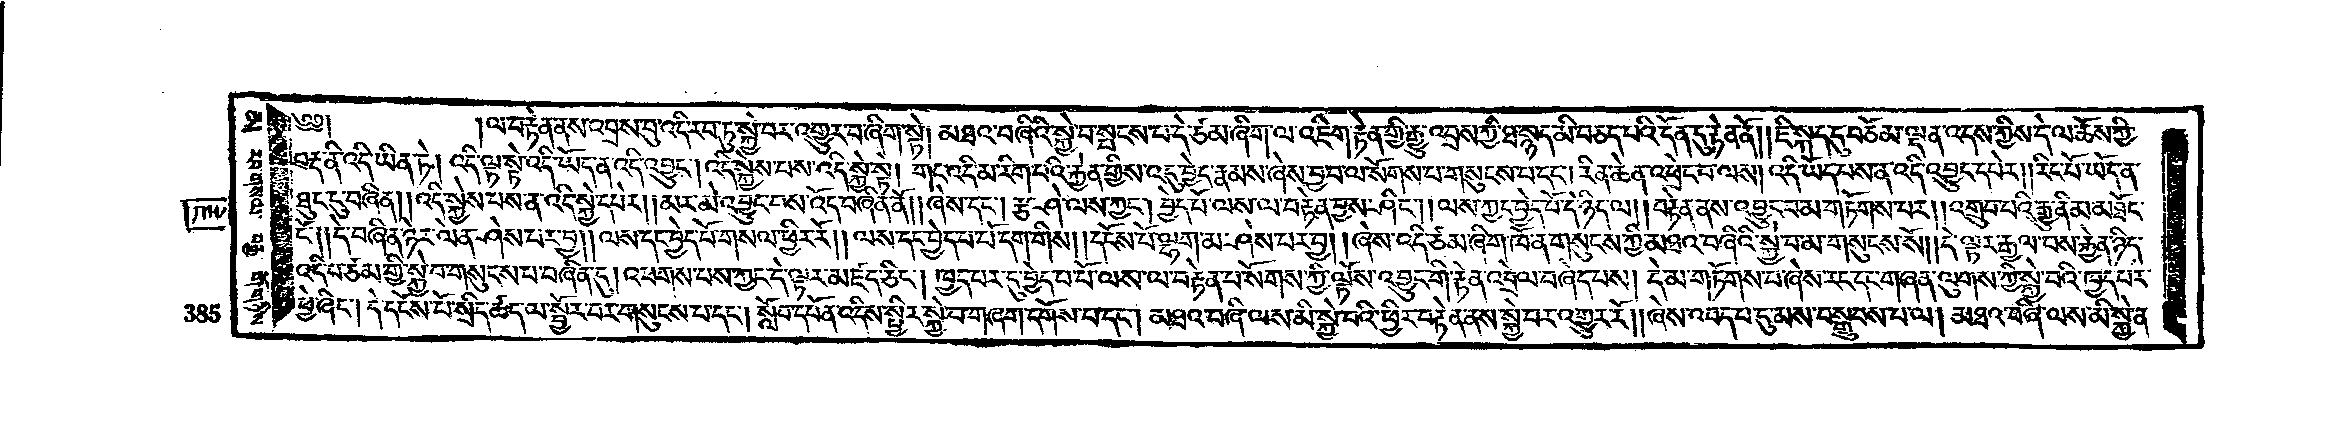༄༅། །ལ་བརྟེན་ནས་འབྲས་བུ་འདི་རབ་ཏུ་སྐྱེ་བར་འགྱུར་བ་ཞིག་སྟེ། མཐའ་བཞིའི་སྐྱེ་བ་སྤངས་པ་དེ་ཙམ་ཞིག་ལ་འཇིག་རྟེན་གྱི་རྒྱུ་འབྲས་ཀྱི་ཐ་སྙད་མི་བཅད་པའི་དོན་དུ་རྟེན་ནོ། །ཇི་སྐད་དུ་བཅོམ་ལྡན་འདས་ཀྱིས་དེ་ལ་ཆོས་ཀྱི་
བརྡ་ནི་འདི་ཡིན་ཏེ། འདི་ལྟ་སྟེ་འདི་ཡོད་ན་འདི་འབྱུང་། འདི་སྐྱེས་པས་འདི་སྐྱེ་སྟེ། གང་འདི་མ་རིག་པའི་རྐྱེན་གྱིས་འདུ་བྱེད་རྣམས་ཞེས་བྱ་བ་ལ་སོགས་པ་གསུངས་པ་དང་། རིན་ཆེན་འཕྲེང་བ་ལས། འདི་ཡོད་པས་ན་འདི་འབྱུང་དཔེར། །རིང་པོ་ཡོད་ན་
ཐུང་ངུ་བཞིན། །འདི་སྐྱེས་པས་ན་འདི་སྐྱེ་དཔེར། །མར་མེ་འབྱུང་བས་འོད་བཞིན་ནོ། །ཞེས་དང་། རྩ་ཤེ་ལས་ཀྱང་། བྱེད་པོ་ལས་ལ་བརྟེན་བྱས་ཤིང་། །ལས་ཀྱང་བྱེད་པོ་དེ་ཉིད་ལ། །བརྟེན་ནས་འབྱུང་བ་མ་གཏོགས་པར། །འགྲུབ་པའི་རྒྱུ་ནི་མ་མཐོང་
ངོ། །དེ་བཞིན་ཉེར་ལེན་ཤེས་པར་བྱ། །ལས་དང་བྱེད་པོ་གསལ་ཕྱིར་རོ། །ལས་དང་བྱེད་པ་པོ་དག་གིས། །དངོས་པོ་ལྷག་མ་ཤེས་པར་བྱ། །ཞེས་འདི་ཙམ་ཞིག་ཁོ་ན་གསུངས་ཀྱི་མཐའ་བཞིའི་སྐྱེ་བ་མ་གསུངས་སོ། །དེ་ལྟར་རྒྱལ་བས་རྐྱེན་ཉིད་
འདི་པ་ཙམ་གྱི་སྐྱེ་བ་གསུངས་པ་བཞིན་དུ། འཕགས་པས་ཀྱང་དེ་ལྟར་མཛད་ཅིང་། ཁྱད་པར་དུ་བྱེད་པ་པོ་ལས་ལ་བརྟེན་པ་སོགས་ཀྱི་ལྟོས་འབྱུང་གི་རྟེན་འབྲེལ་བཞེད་པས། དེ་མ་གཏོགས་པ་ཞེས་རང་དང་གཞན་ལུགས་ཀྱི་སྐྱེ་བའི་ཁྱད་པར་
ཕྱེ་ཞིང་། དེ་དངོས་པོ་སྲིད་ཚད་ལ་སྦྱོར་བར་གསུངས་པ་དང་། སློབ་དཔོན་འདིས་སྤྱིར་སྐྱེ་བ་གཞག་དགོས་པ་དང་། མཐའ་བཞི་ལས་མི་སྐྱེ་བའི་ཕྱིར་བརྟེན་ནས་སྐྱེ་བར་འགྱུར་རོ། །ཞེས་འབད་པ་དུ་མས་བསྒྲུབས་པ་ལ། མཐའ་བཞི་ལས་མི་སྐྱེ་ན་